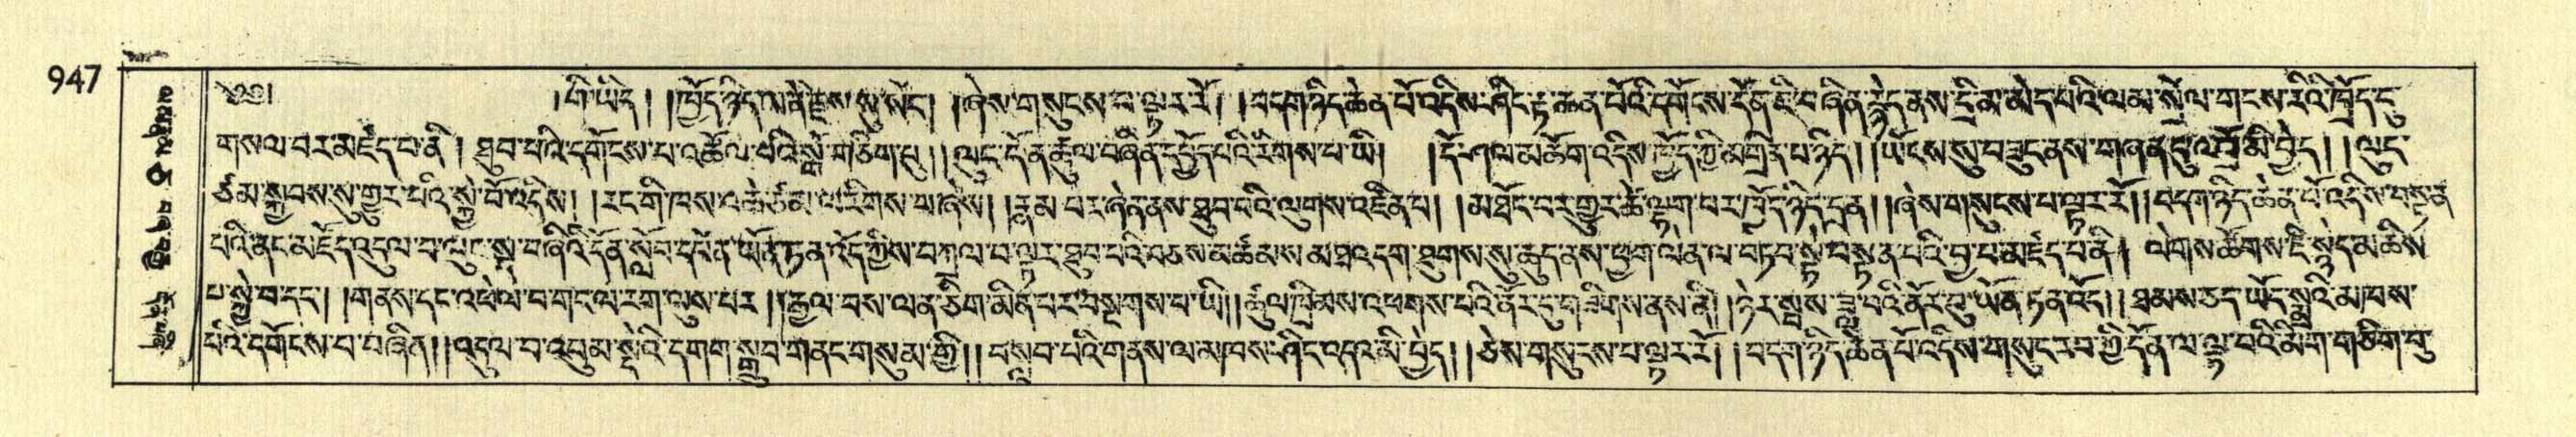༄༅། །གི་ཡིད། །ཁྱོད་ཉིད་ལ་ནི་རྗེས་སུ་སོང་། །ཞེས་གསུངས་བ་ལྟར་རོ། །བདག་ཉིད་ཆེན་པོ་འདིས་ཤིང་རྟ་ཆན་པོའི་དགོངས་དོན་ཇི་བཞིན་རྙེད་ནས་དྲི་མ་མེད་པའི་ལམ་སྲོལ་གངས་རིའི་ཁྲོད་དུ་
གསལ་བར་མཛད་པ་ནི། ཐུབ་པའི་དགོངས་པ་འཚོལ་བའི་སྒོ་གཅིག་པུ། །ལུང་དོན་ཚུལ་བཞིན་དཔྱོད་པའི་རིགས་པ་ཡི། །དོ་ཤལ་མཆོག་འདིས་ཁྱོད་ཀྱི་མགྲིན་པ་ཉིད། །ཡོངས་སུ་བཟུང་ནས་གཞན་དུ་འགྲོ་མི་བྱེད། །ལུང་
ཙམ་སྐྱབས་སུ་གྱུར་པའི་སྐྱེ་བོ་འདིས། །རང་གི་ཁས་འཆེ་ཙམ་ལ་རིགས་ལ་ཞེས། །རྣམ་པར་ཞེན་ནས་ཐུབ་པའི་ལུགས་འཛིན་པ། །མཐོང་བར་གྱུར་ཚེ་ལྷག་པར་ཁྱོད་ཉིད་དྲན། །ཞེས་གསུངས་པ་ལྟར་རོ། །བདག་ཉིད་ཆེན་པོ་འདིས་བསྟན་
པའི་ནང་མཛོད་འདུལ་བ་ལུང་སྔ་བཞིའི་དོན་སློབ་དཔོན་ཡོན་ཏན་འོད་ཀྱིས་བཀྲལ་བ་ལྟར་ཐུབ་པའི་བཅས་མཚམས་མཐའ་དག་ཐུགས་སུ་ཆུད་ནས་ཕྱག་ལེན་ལ་བཏབ་སྟེ་བསྟན་པའི་བྱ་པ་མཛད་པ་ནི། ལེགས་ཚོགས་ཇི་སྙེད་མཆིས་
པ་སྐྱེ་བ་དང་། །གནས་དང་འཕེལ་བ་གང་ལ་རག་ལུས་པར། །རྒྱལ་བས་ལན་ཅིག་མིན་པར་བསྔགས་པ་ཡི། །ཚུལ་ཁྲིམས་འཕགས་པའི་ནོར་དུ་གཟིགས་ནས་ནི། །ཉེར་སྤས་ཟླ་བའི་ནོར་བུ་ཡོན་ཏན་འོད། །ཐམས་ཅད་ཡོད་སྨྲའི་མཁས་
པའི་དགོངས་པ་བཞིན། །འདུལ་བ་འབུམ་སྡེའི་དགག་སྒྲུབ་གནང་གསུམ་གྱི། །བསླབ་པའི་གནས་ལ་མཁས་ཤིང་འདའ་མི་བྱེད། །ཅེས་གསུངས་པ་ལྟར་རོ། །བདག་ཉིད་ཆེན་པོ་འདིས་གསུང་རབ་ཀྱི་དོན་ལ་ལྟ་བའི་མིག་གཅིག་བུ་